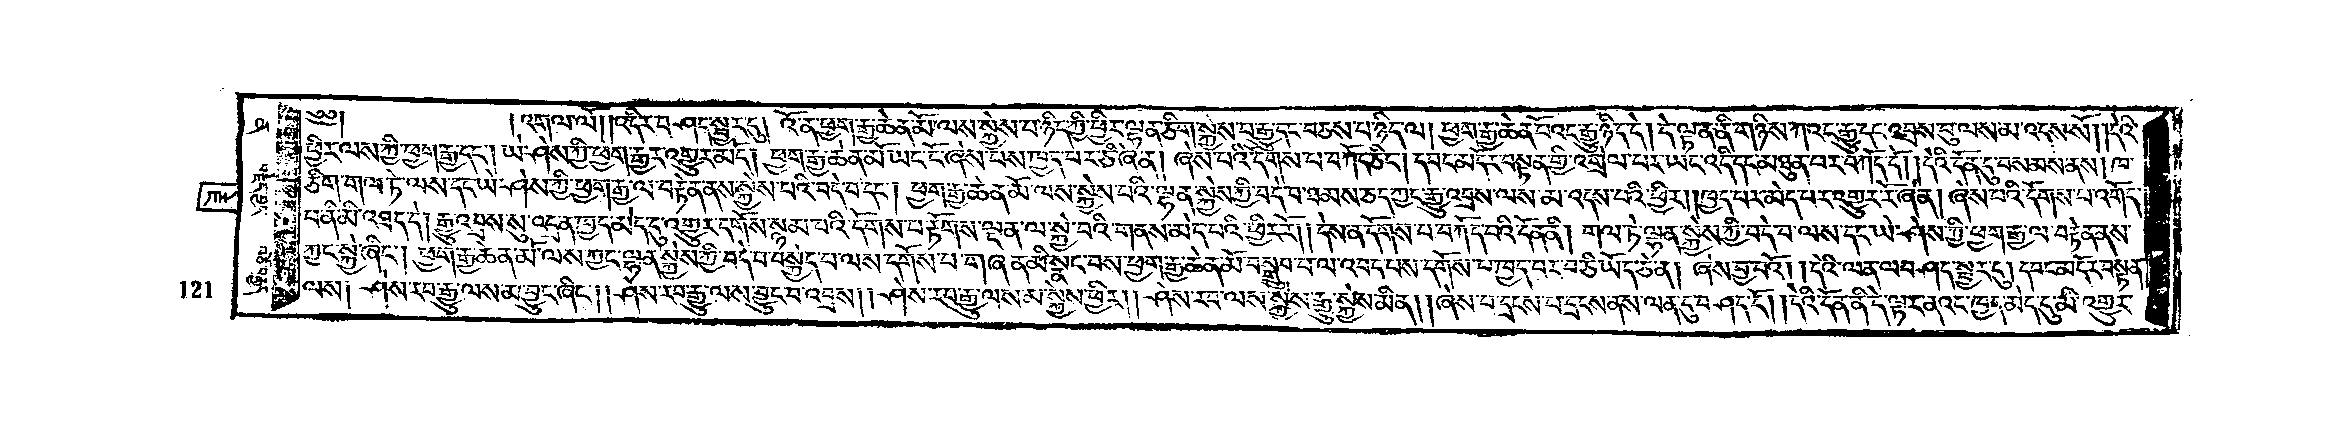༄༅། །འགལ་ལོ། །འདིར་བཤད་སྦྱར་དུ། འོ་ན་ཕྱག་རྒྱ་ཆེན་མོ་ལས་སྐྱེས་པ་ཉིད་ཀྱི་ཕྱིར་ལྷན་ཅིག་སྐྱེས་པ་རྒྱུ་དང་བཅས་པ་ཉིད་ལ། ཕྱག་རྒྱ་ཆེན་པོའང་རྒྱུ་ཉིད་དེ། དེ་ལྟ་ན་ནི་གཉིས་ཀའང་རྒྱུ་དང་འབྲས་བུ་ལས་མ་འདས་སོ། །དེའི་
ཕྱིར་ལས་ཀྱི་ཕྱག་རྒྱ་དང་། ཡེ་ཤེས་ཀྱི་ཕྱག་རྒྱར་འགྱུར་མོད། ཕྱག་རྒྱ་ཆེན་མོ་ཡང་ངོ་ཞེས་པས་ཁྱད་པར་ཅི་ཞེ་ན། ཞེས་པའི་དགོས་པ་བཀོད་ཅིང་། དབང་མདོར་བསྟན་གྱི་འགྲེལ་པར་ཡང་འདི་དང་མཐུན་པར་བཀོད་དོ། །དེའི་དོན་དུ་བསམས་ནས། ཁ་
ཅིག་གལ་ཏེ་ལས་དང་ཡེ་ཤེས་ཀྱི་ཕྱག་རྒྱ་ལ་བརྟེན་ནས་སྐྱེས་པའི་བདེ་བ་དང་། ཕྱག་རྒྱ་ཆེན་མོ་ལས་སྐྱེས་པའི་ལྷན་སྐྱེས་ཀྱི་བདེ་བ་ཐམས་ཅད་ཀྱང་རྒྱུ་འབྲས་ལས་མ་འདས་པའི་ཕྱིར། །ཁྱད་པར་མེད་པར་འགྱུར་རོ་ཞེ་ན། ཞེས་པའི་དོགས་པ་འགོད་
པ་ནི་མི་འཐད་དེ། རྒྱུ་འབྲས་སུ་འདྲ་ན་ཁྱད་མེད་དུ་འགྱུར་དགོས་སྙམ་པའི་དོགས་པ་རྟོགས་ལྡན་ལ་སྐྱེ་བའི་གནས་མེད་པའི་ཕྱིར་རོ། །དེས་ན་དོགས་པ་བཀོད་པའི་དོན་ནི། གལ་ཏེ་ལྷན་སྐྱེས་ཀྱི་བདེ་བ་ལས་དང་ཡེ་ཤེས་ཀྱི་ཕྱག་རྒྱ་ལ་བརྟེན་ནས་
ཀྱང་སྐྱེ་ཞིང་། ཕྱག་རྒྱ་ཆེན་མོ་ལས་ཀྱང་ལྷན་སྐྱེས་ཀྱི་བདེ་བ་བསྐྱེད་པ་ལས་དགོས་པ་གཞན་མི་སྣང་བས་ཕྱག་རྒྱ་ཆེན་མོ་བསྒྲུབ་པ་ལ་འབད་པས་དགོས་པ་ཁྱད་པར་བ་ཅི་ཡོད་ཅེ་ན། ཞེས་བྱ་བའོ། །དེའི་ལན་ལ་བཤད་སྦྱར་དུ། དབང་མདོར་བསྟན་
ལས། ཤེས་རབ་རྒྱུ་ལས་མ་བྱུང་ཞིང་། །ཤེས་རབ་རྒྱུ་ལས་བྱུང་བ་འབྲས། །ཤེས་རབ་རྒྱུ་ལས་མ་སྐྱེས་ཕྱིར། །ཤེས་རབ་ལས་སྐྱེས་རྒྱུ་སྐྱེས་མིན། །ཞེས་པ་དྲངས་པ་དྲངས་ནས་ལན་དུ་བཤད་དོ། །དེའི་དོན་ནི་དེ་ལྟར་ནའང་ཁྱད་མེད་དུ་མི་འགྱུར་